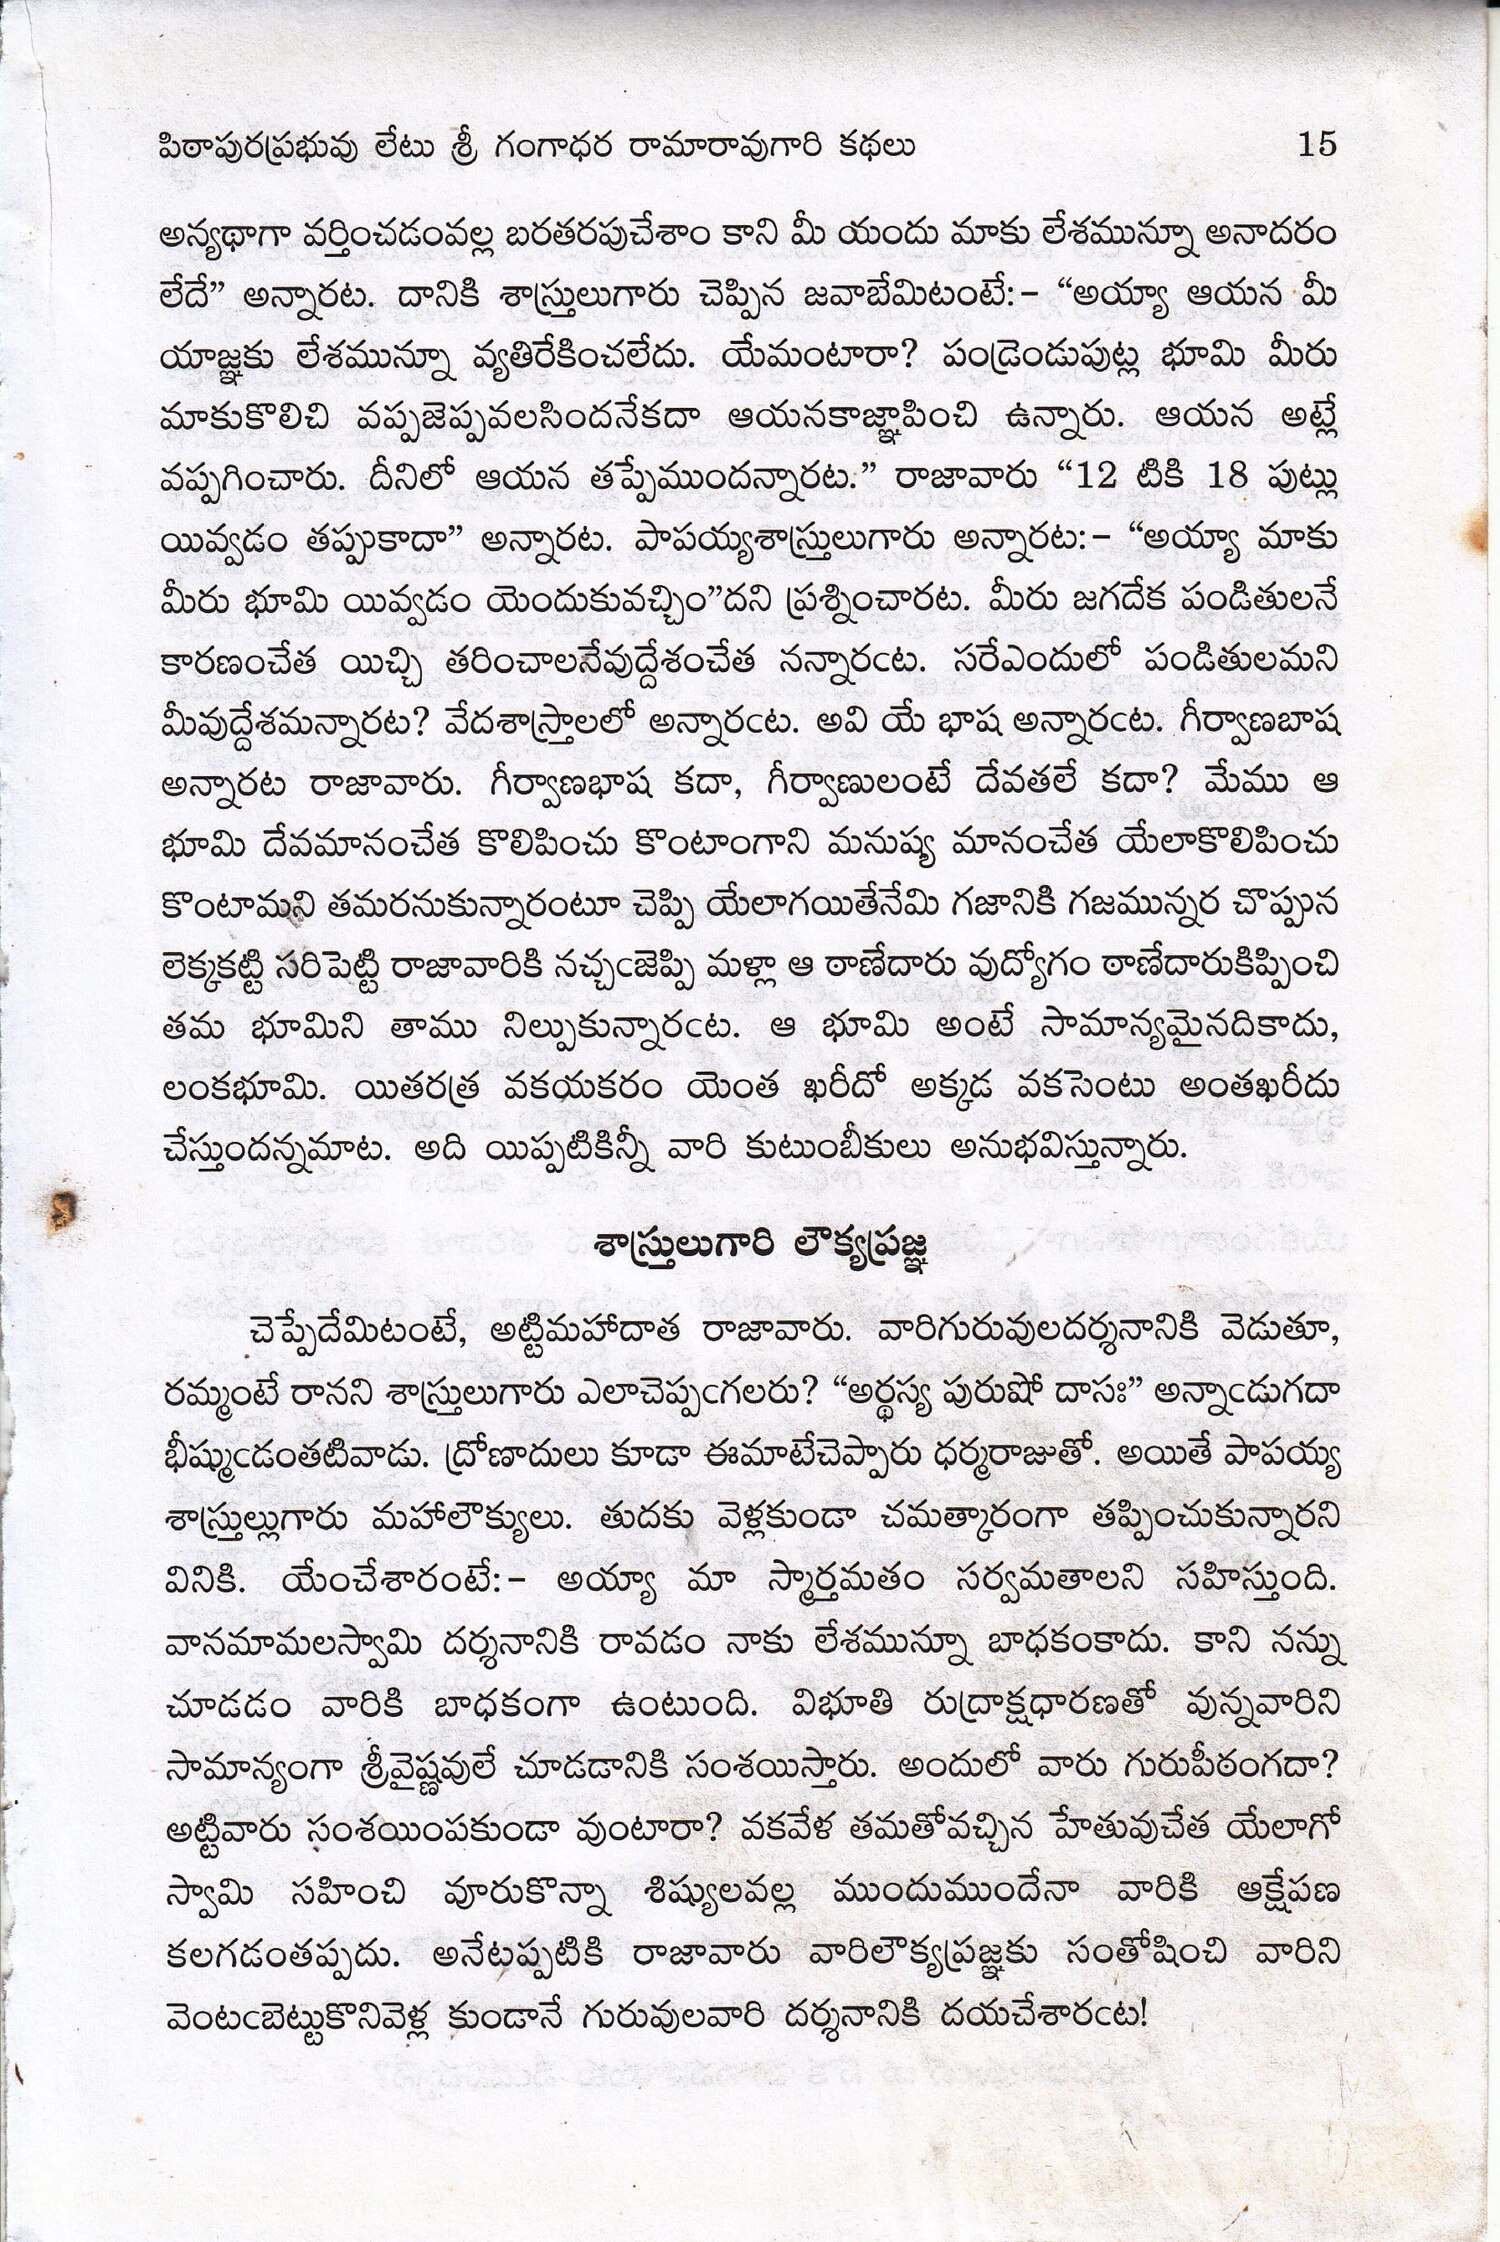అన్యథాగా వర్తించడంవల్ల బరతరపుచేశాం కాని మీ యందు మాకు లేశమున్నూ అనాదరం లేదే" అన్నారట. దానికి శాస్రులుగారు చెప్పిన జవాబేమిటంటే:- "అయ్యా ఆయన మీ యాజ్ఞకు లేశమున్నూ వ్యతిరేకించలేదు. యేమంటారా? పండైండుపుట్ల భూమి మీరు మాకుకొలిచి వప్పజెప్పవలసిందనేకదా ఆయనకాజ్ఞాపించి ఉన్నారు. ఆయన అట్లే వప్పగించారు. దీనిలో ఆయన తప్పేముందన్నారట." రాజావారు “12 టికి 18 పుట్లు యివ్వడం తప్పకాదా" అన్నారట. పాపయ్యశాస్రులుగారు అన్నారట:- "అయ్యా మాకు మీరు భూమి యివ్వడం యెందుకువచ్చిందని ప్రశ్నించారట. మీరు జగదేక పండితులనే కారణంచేత యిచ్చి తరించాలనేవుద్దేశంచేత నన్నారంట. సరేఎందులో పండితులమని మీవుద్దేశమన్నారట? వేదశాస్తాలలో అన్నారంట. అవి యే భాష అన్నారంట. గీర్వాణబాష అన్నారట రాజావారు. గీర్వాణభాష కదా, గీర్వాణులంటే దేవతలే కదా? మేము ఆ భూమి దేవమానంచేత కొలిపించు కొంటాంగాని మనుష్య మానంచేత యేలాకొలిపించు కొంటామని తమరనుకున్నారంటూ చెప్పియేలాగయితేనేమి గజానికి గజమున్నర చొప్పన లెక్కకట్టి సరిపెట్టి రాజావారికి నచ్చంజెప్పి మళ్లా ఆ ఠాణేదారు వుద్యోగం ఠాణేదారుకిప్పించి తమ భూమిని తాము నిల్పుకున్నారంట. ఆ భూమి అంటే సామాన్యమైనదికాదు, లంకభూమి. యితరత్ర వకయకరం యెంత ఖరీదో అక్కడ వక సెంటు అంతఖరీదు చేస్తుందన్నమాట. అది యిప్పటికిన్నీ వారి కుటుంబీకులు అనుభవిస్తున్నారు.

చెప్పేదేమిటంటే, అట్టిమహాదాత రాజావారు. వారిగురువులదర్శనానికి వెడుతూ, రమ్మంటే రానని శాస్రులుగారు ఎలాచెప్పఁగలరు? "అర్ధస్య పురుషో దాసః" అన్నాండుగదా భీష్మండంతటివాడు. ద్రోణాదులు కూడా ఈమాటేచెప్పారు ధర్మరాజుతో, అయితే పాపయ్య శాస్రుల్లుగారు మహాలౌక్యులు. తుదకు వెళ్లకుండా చమత్కారంగా తప్పించుకున్నారని వినికి. యేంచేశారంటే:- అయ్యా మా స్మార్తమతం సర్వమతాలని సహిస్తుంది. వానమామలస్వామి దర్శనానికి రావడం నాకు లేశమున్నూ బాధకంకాదు. కాని నన్ను చూడడం వారికి బాధకంగా ఉంటుంది. విభూతి రుద్రాక్షధారణతో వున్నవారిని సామాన్యంగా శ్రీవైష్ణవులే చూడడానికి సంశయిస్తారు. అందులో వారు గురుపీఠంగదా? అట్టివారు సంశయింపకుండా వుంటారా? వకవేళ తమతోవచ్చిన హేతువుచేత యేలాగో స్వామి సహించి వూరుకొన్నా శిష్యులవల్ల ముందుముందేనా వారికి ఆక్షేపణ కలగడంతప్పదు. అనేటప్పటికి రాజావారు వారిలౌక్యప్రజ్ఞకు సంతోషించి వారిని వెంటఁబెట్టుకొనివెళ్ల కుండానే గురువులవారి దర్శనానికి దయచేశారంట!